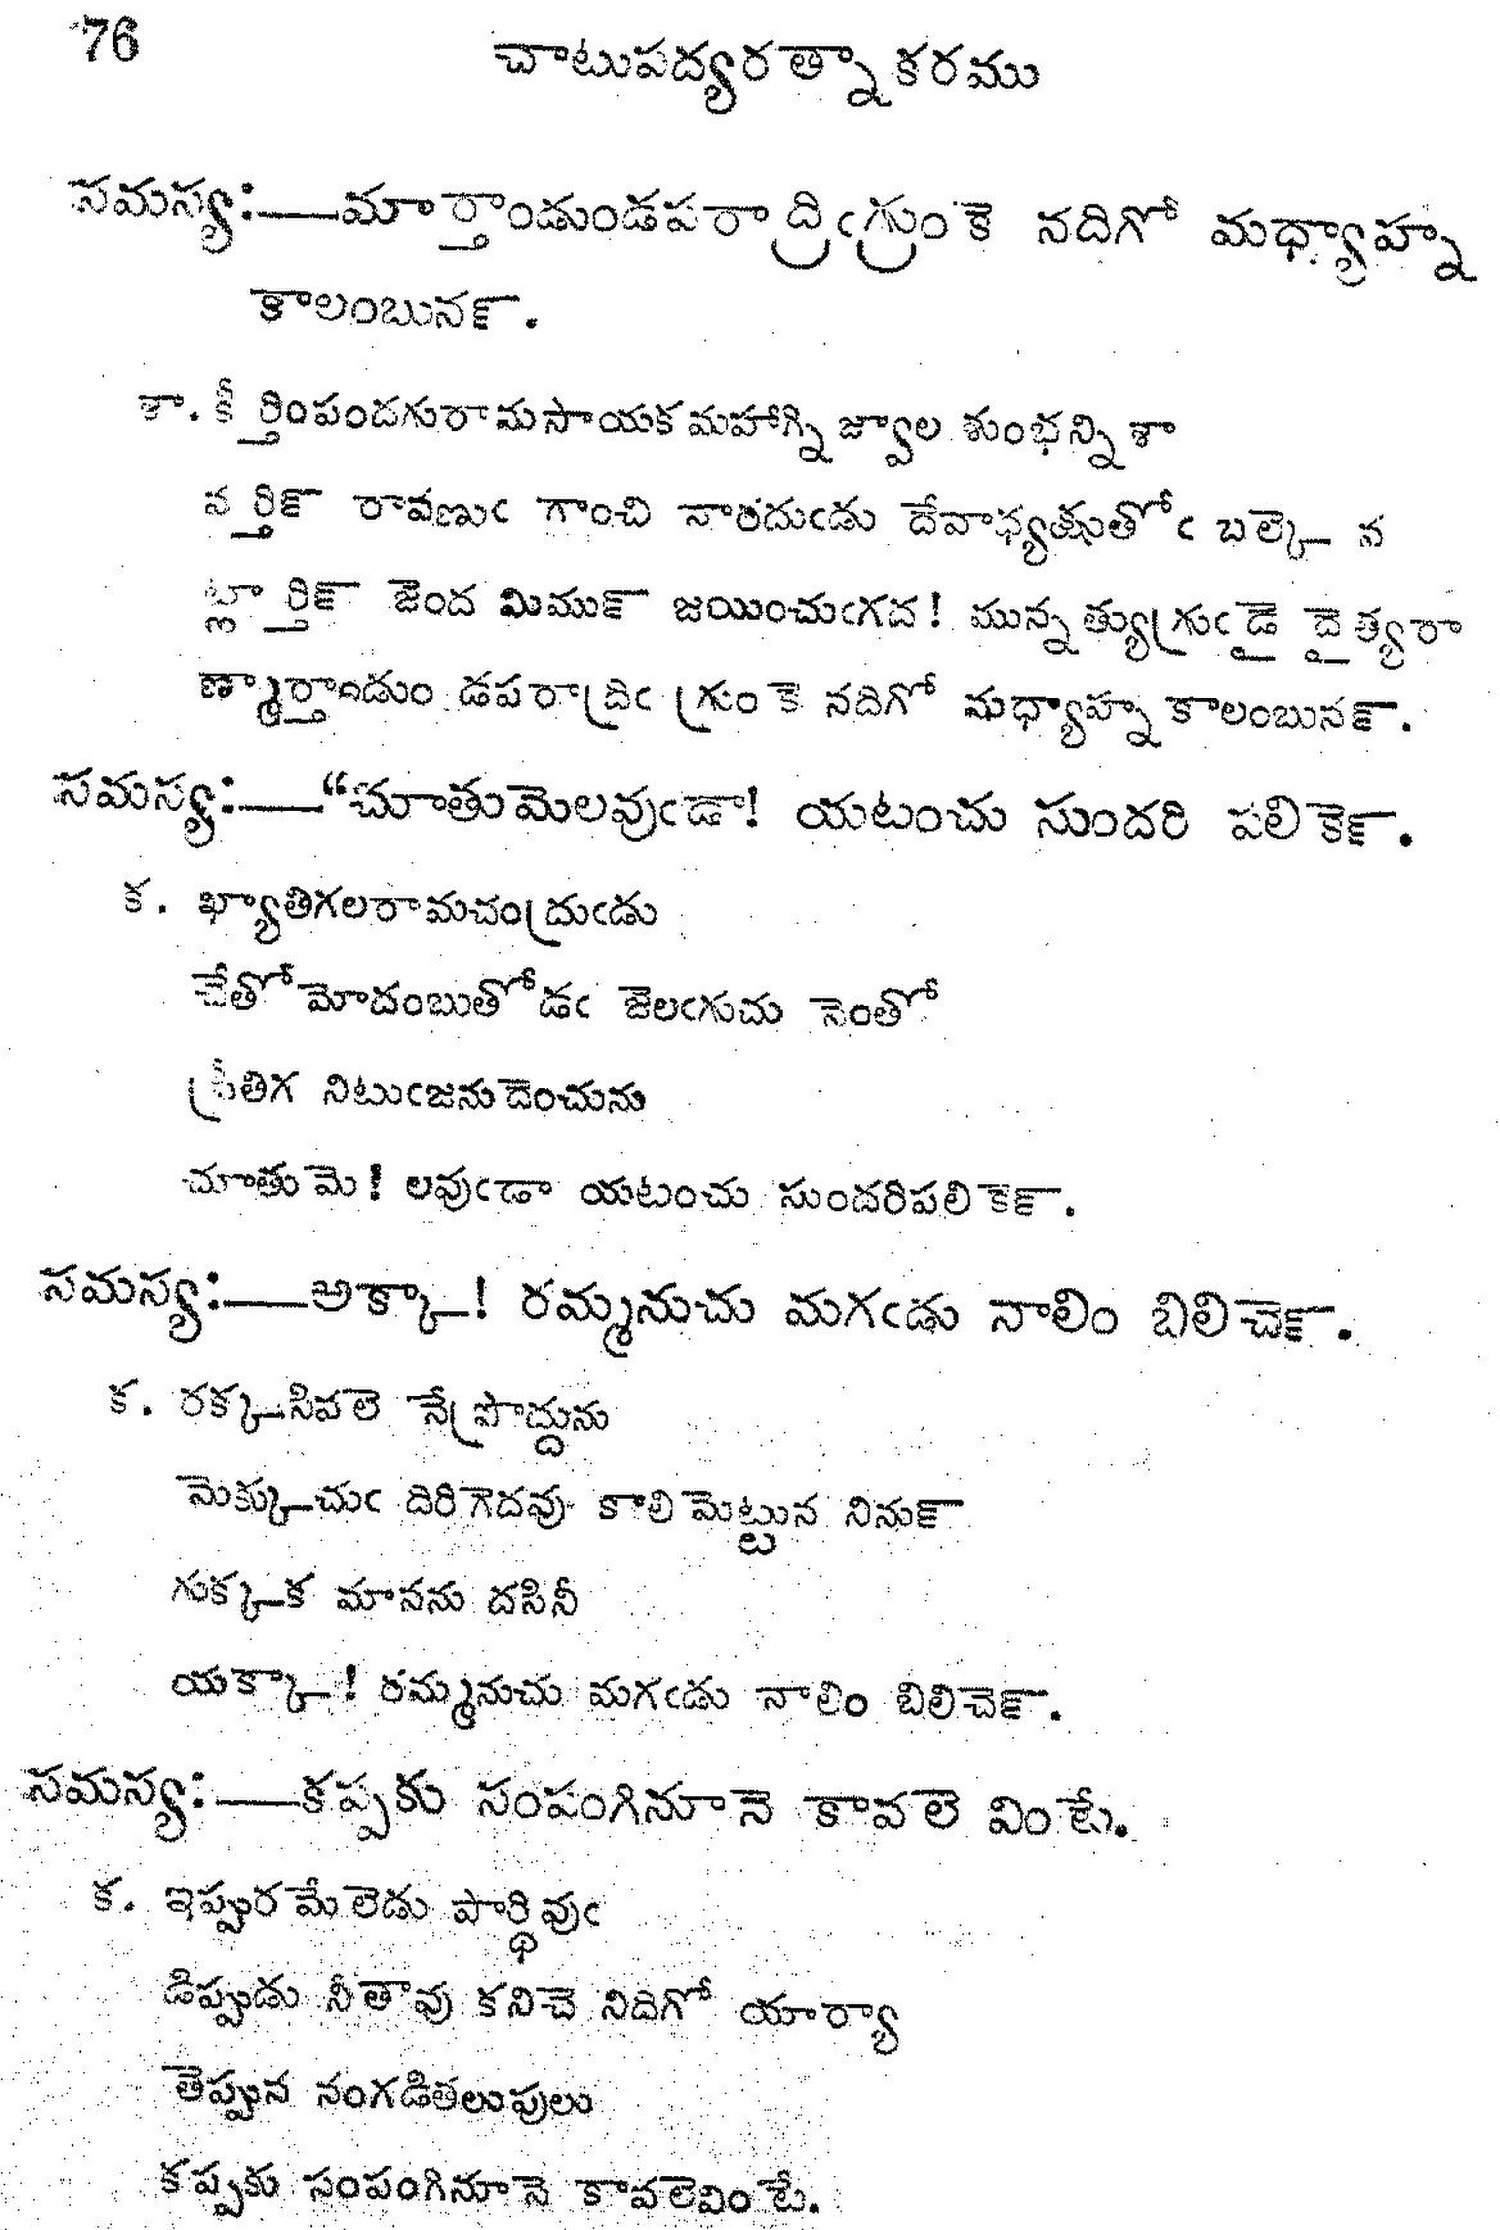సమస్య:—మార్తాండుం డపరాద్రిఁ గ్రుంకె నదిగో మధ్యాహ్నకాలంబునన్

శా. కీర్తింపం దగు రాయసాయకమహాగ్నిజ్వాలశుంభన్నిశా
 వర్తిన్ రావణుఁ గాంచి నారదుఁడు దేవాధ్యక్షుతోఁ బల్కె న
 ట్లార్తిన్ జెంద మిమున్ జయించుఁగద! మున్నత్యుగ్రుఁడై దైత్యరా
 ణ్మార్తాండుం డపరాద్రిఁ గ్రుంకె నదిగో మధ్యాహ్నకాలంబునన్.

సమస్య:—చూతుమెలవుఁడా! యటంచు సుందరి పలికెన్

క. ఖ్యాతిగల రామచంద్రుఁడు
 చేతోమోదంబుతోడఁ జెలఁగుచు నెంతో
 ప్రీతిగ నిటుఁ జనుదెంచును
 చూతుమె! లవుఁడా యటంచు సుందరి పలికెన్.

సమస్య:—అక్కా! రమ్మనుచు మగఁడు నాలిం బిలిచెన్

క. రక్కసివలె నేప్రొద్దును
 మెక్కుచుఁ దిరిగెదవు కాలిమెట్టున నిన్నున్
 గుక్కక మానను దసి నీ
 యక్కా! రమ్మనుచు మగఁడు నాలిం బిలిచెన్.

సమస్య:—కప్పకు సంపంగినూనె కావలె వింటే

క. ఇప్పుర మేలెడు పార్థివుఁ
 డిప్పుడు నీతావు కనిచె నిదిగో యార్యా
 తెప్పున నంగడితలుపులు
 కప్పకు సంపంగినూనె కావలె వింటే.